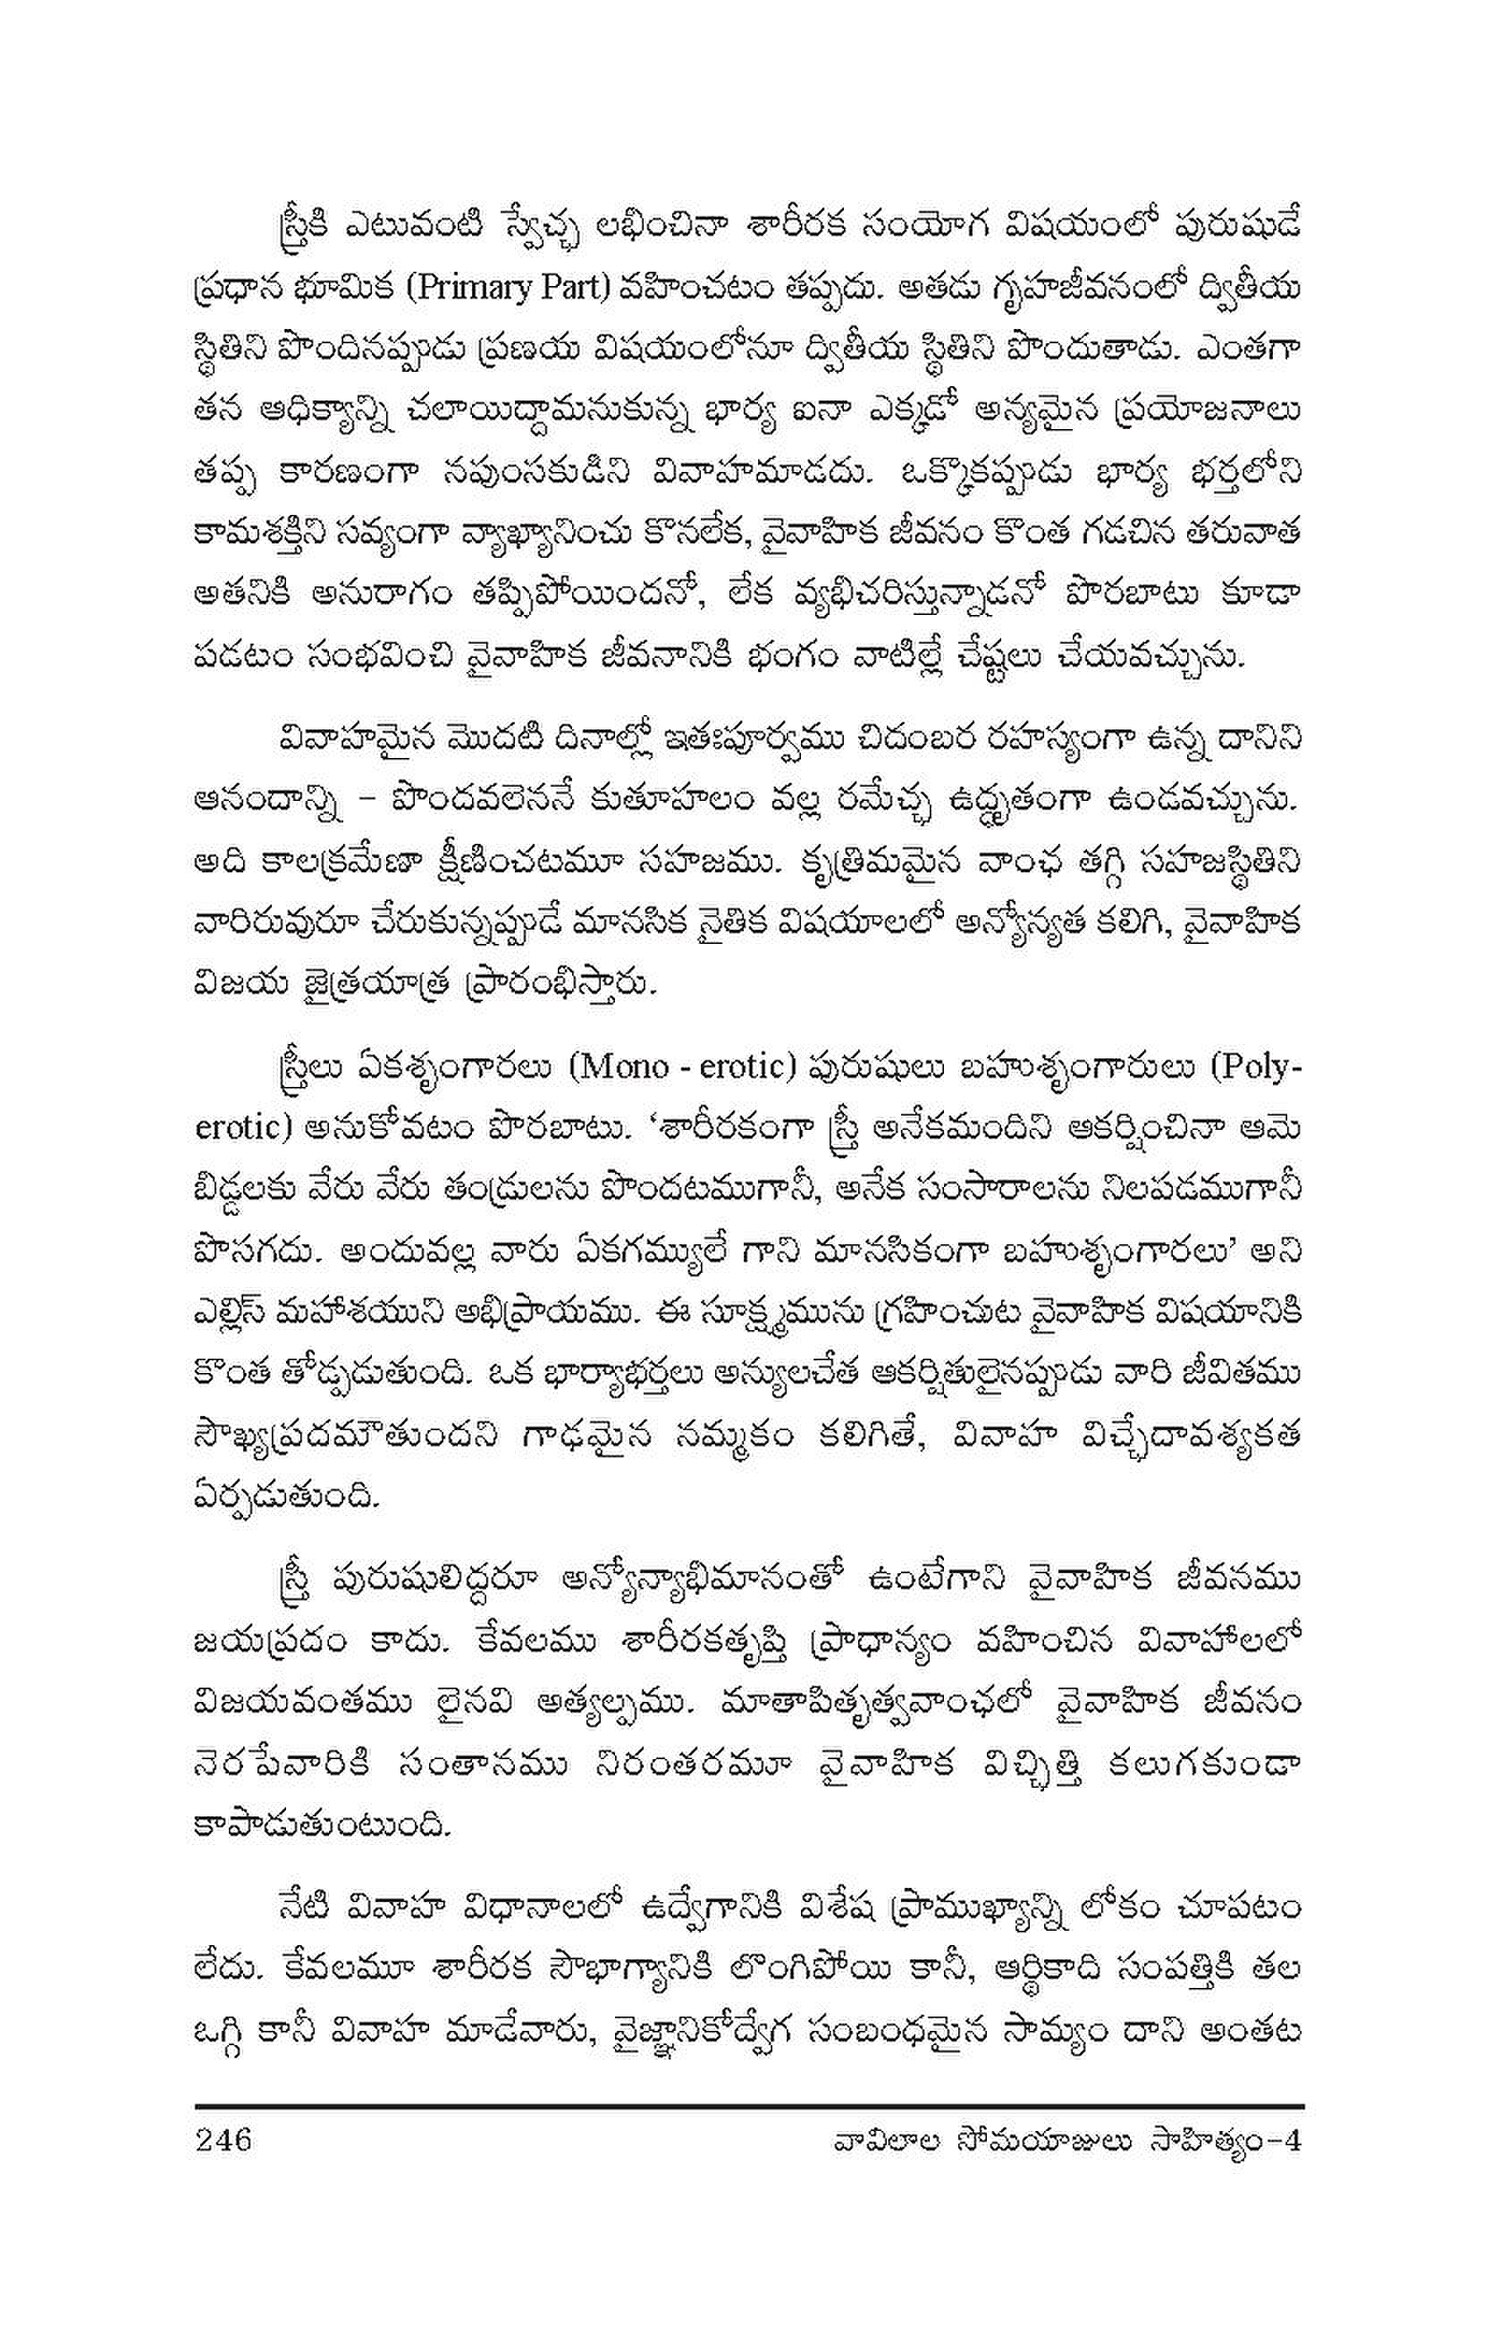స్త్రీకి ఎటువంటి స్వేచ్ఛ లభించినా శారీరక సంయోగ విషయంలో పురుషుడే
ప్రధాన భూమిక (Primary Part) వహించటం తప్పదు. అతడు గృహజీవనంలో ద్వితీయ
స్థితిని పొందినప్పుడు ప్రణయ విషయంలోనూ ద్వితీయ స్థితిని పొందుతాడు. ఎంతగా
తన ఆధిక్యాన్ని చలాయిద్దామనుకున్న భార్య ఐనా ఎక్కడో అన్యమైన ప్రయోజనాలు
తప్ప కారణంగా నపుంసకుడిని వివాహమాడదు. ఒక్కొకప్పుడు భార్య భర్తలోని
కామశక్తిని సవ్యంగా వ్యాఖ్యానించు కొనలేక, వైవాహిక జీవనం కొంత గడచిన తరువాత
అతనికి అనురాగం తప్పిపోయిందనో, లేక వ్యభిచరిస్తున్నాడనో పొరబాటు కూడా
పడటం సంభవించి వైవాహిక జీవనానికి భంగం వాటిల్లే చేష్టలు చేయవచ్చును.

వివాహమైన మొదటి దినాల్లో ఇతఃపూర్వము చిదంబర రహస్యంగా ఉన్న దానిని
ఆనందాన్ని - పొందవలెననే కుతూహలం వల్ల రమేచ్ఛ ఉదృతంగా ఉండవచ్చును.
అది కాలక్రమేణా క్షీణించటమూ సహజము. కృత్రిమమైన వాంఛ తగ్గి సహజస్థితిని
వారిరువురూ చేరుకున్నప్పుడే మానసిక నైతిక విషయాలలో అన్యోన్యత కలిగి, వైవాహిక
విజయ జైత్రయాత్ర ప్రారంభిస్తారు.

స్త్రీలు ఏకశృంగారలు (Mono - erotic) పురుషులు బహుశృంగారులు (Poly-
erotic) అనుకోవటం పొరబాటు. 'శారీరకంగా స్త్రీ అనేకమందిని ఆకర్షించినా ఆమె
బిడ్డలకు వేరు వేరు తండ్రులను పొందటముగానీ, అనేక సంసారాలను నిలపడముగానీ
పొసగదు. అందువల్ల వారు ఏకగమ్యులే గాని మానసికంగా బహుశృంగారలు' అని
ఎల్లిస్ మహాశయుని అభిప్రాయము. ఈ సూక్ష్మమును గ్రహించుట వైవాహిక విషయానికి
కొంత తోడ్పడుతుంది. ఒక భార్యాభర్తలు అన్యులచేత ఆకర్షితులైనప్పుడు వారి జీవితము
సౌఖ్యప్రదమౌతుందని గాఢమైన నమ్మకం కలిగితే, వివాహ విచ్ఛేదావశ్యకత
ఏర్పడుతుంది.

స్త్రీ పురుషులిద్దరూ అన్యోన్యాభిమానంతో ఉంటేగాని వైవాహిక జీవనము
జయప్రదం కాదు. కేవలము శారీరకతృప్తి ప్రాధాన్యం వహించిన వివాహాలలో
విజయవంతము లైనవి అత్యల్పము. మాతాపితృత్వవాంఛలో వైవాహిక జీవనం
నెరపేవారికి సంతానము నిరంతరమూ వైవాహిక విచ్ఛిత్తి కలుగకుండా
కాపాడుతుంటుంది.

నేటి వివాహ విధానాలలో ఉద్వేగానికి విశేష ప్రాముఖ్యాన్ని లోకం చూపటం
లేదు. కేవలమూ శారీరక సౌభాగ్యానికి లొంగిపోయి కానీ, ఆర్థికాది సంపత్తికి తల
ఒగ్గి కానీ వివాహ మాడేవారు, వైజ్ఞానికోద్వేగ సంబంధమైన సామ్యం దాని అంతట